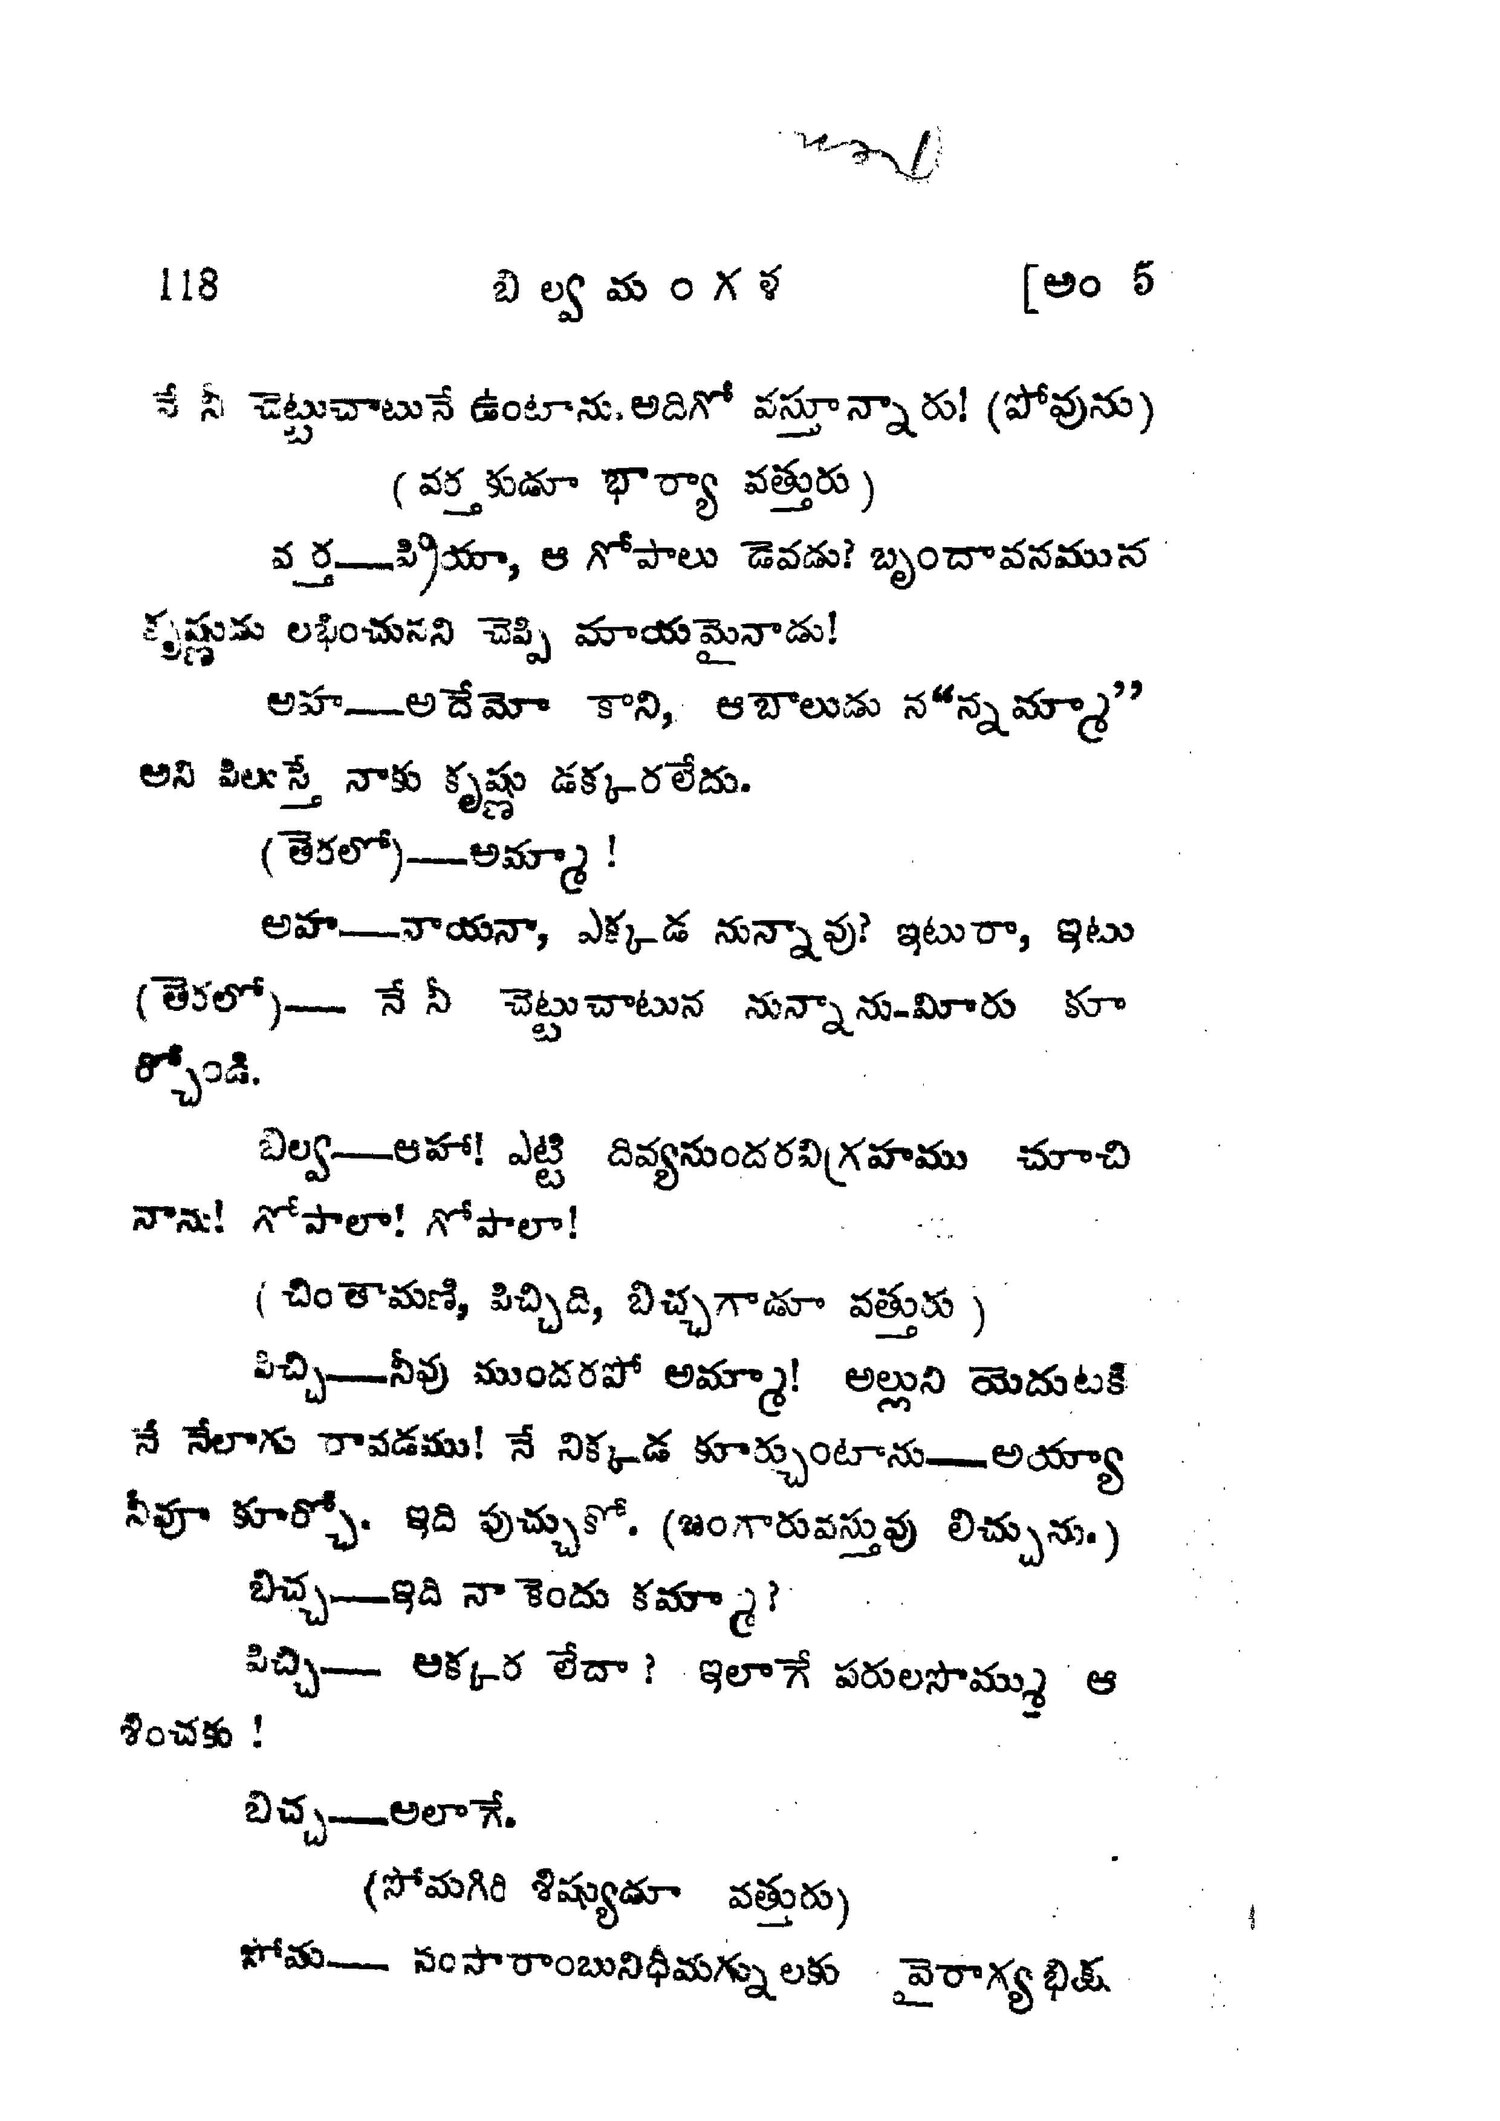నే నీ చెట్టుచాటునే ఉంటాను. అదిగో వస్తూన్నారు! (పోవును)

వర్త - ప్రియా, ఆ గోపాలు డెవడు? బృందావనమున కృష్ణుడు లభించునని చెప్పి మాయమైనాడు!

అహ - అదేమో కాని, ఆబాలుడు న""న్నమ్మా" అని పిలుస్తునే నాకు కృష్ణు డక్కరలేదు.

(తెరలో) - అమ్మా!

అహ - నాయనా, ఎక్కడ నున్నావు? ఇటురా, ఇటు (తెరలో) - నే నీ చెట్టుచాటున నున్నాను-మీరు కూర్చోండి.

బిల్వ - ఆహా! ఎట్టి దివ్యసుందరవిగ్రహము చూచినాను! గోపాలా! గోపాలా!

పిచ్చి - నీవు ముందరపో అమ్మా! అల్లుని యెదుటకి నే నేలాగు రావడము! నే నిక్కడ కూర్చుంటాను - అయ్యా నీవూ కూర్చో. ఇది పుచ్చుకో. (బంగారువస్తువు లిచ్చును.)

బిచ్చ - ఇది నా కెందు కమ్మా?

పిచ్చి - అక్కర లేదా? ఇలాగే పరులసొమ్ము ఆశించకు!

బిచ్చ - అలాగే.

సోమ - సంసారాంబునిధీమగ్నులకు వైరాగ్యభిక్ష